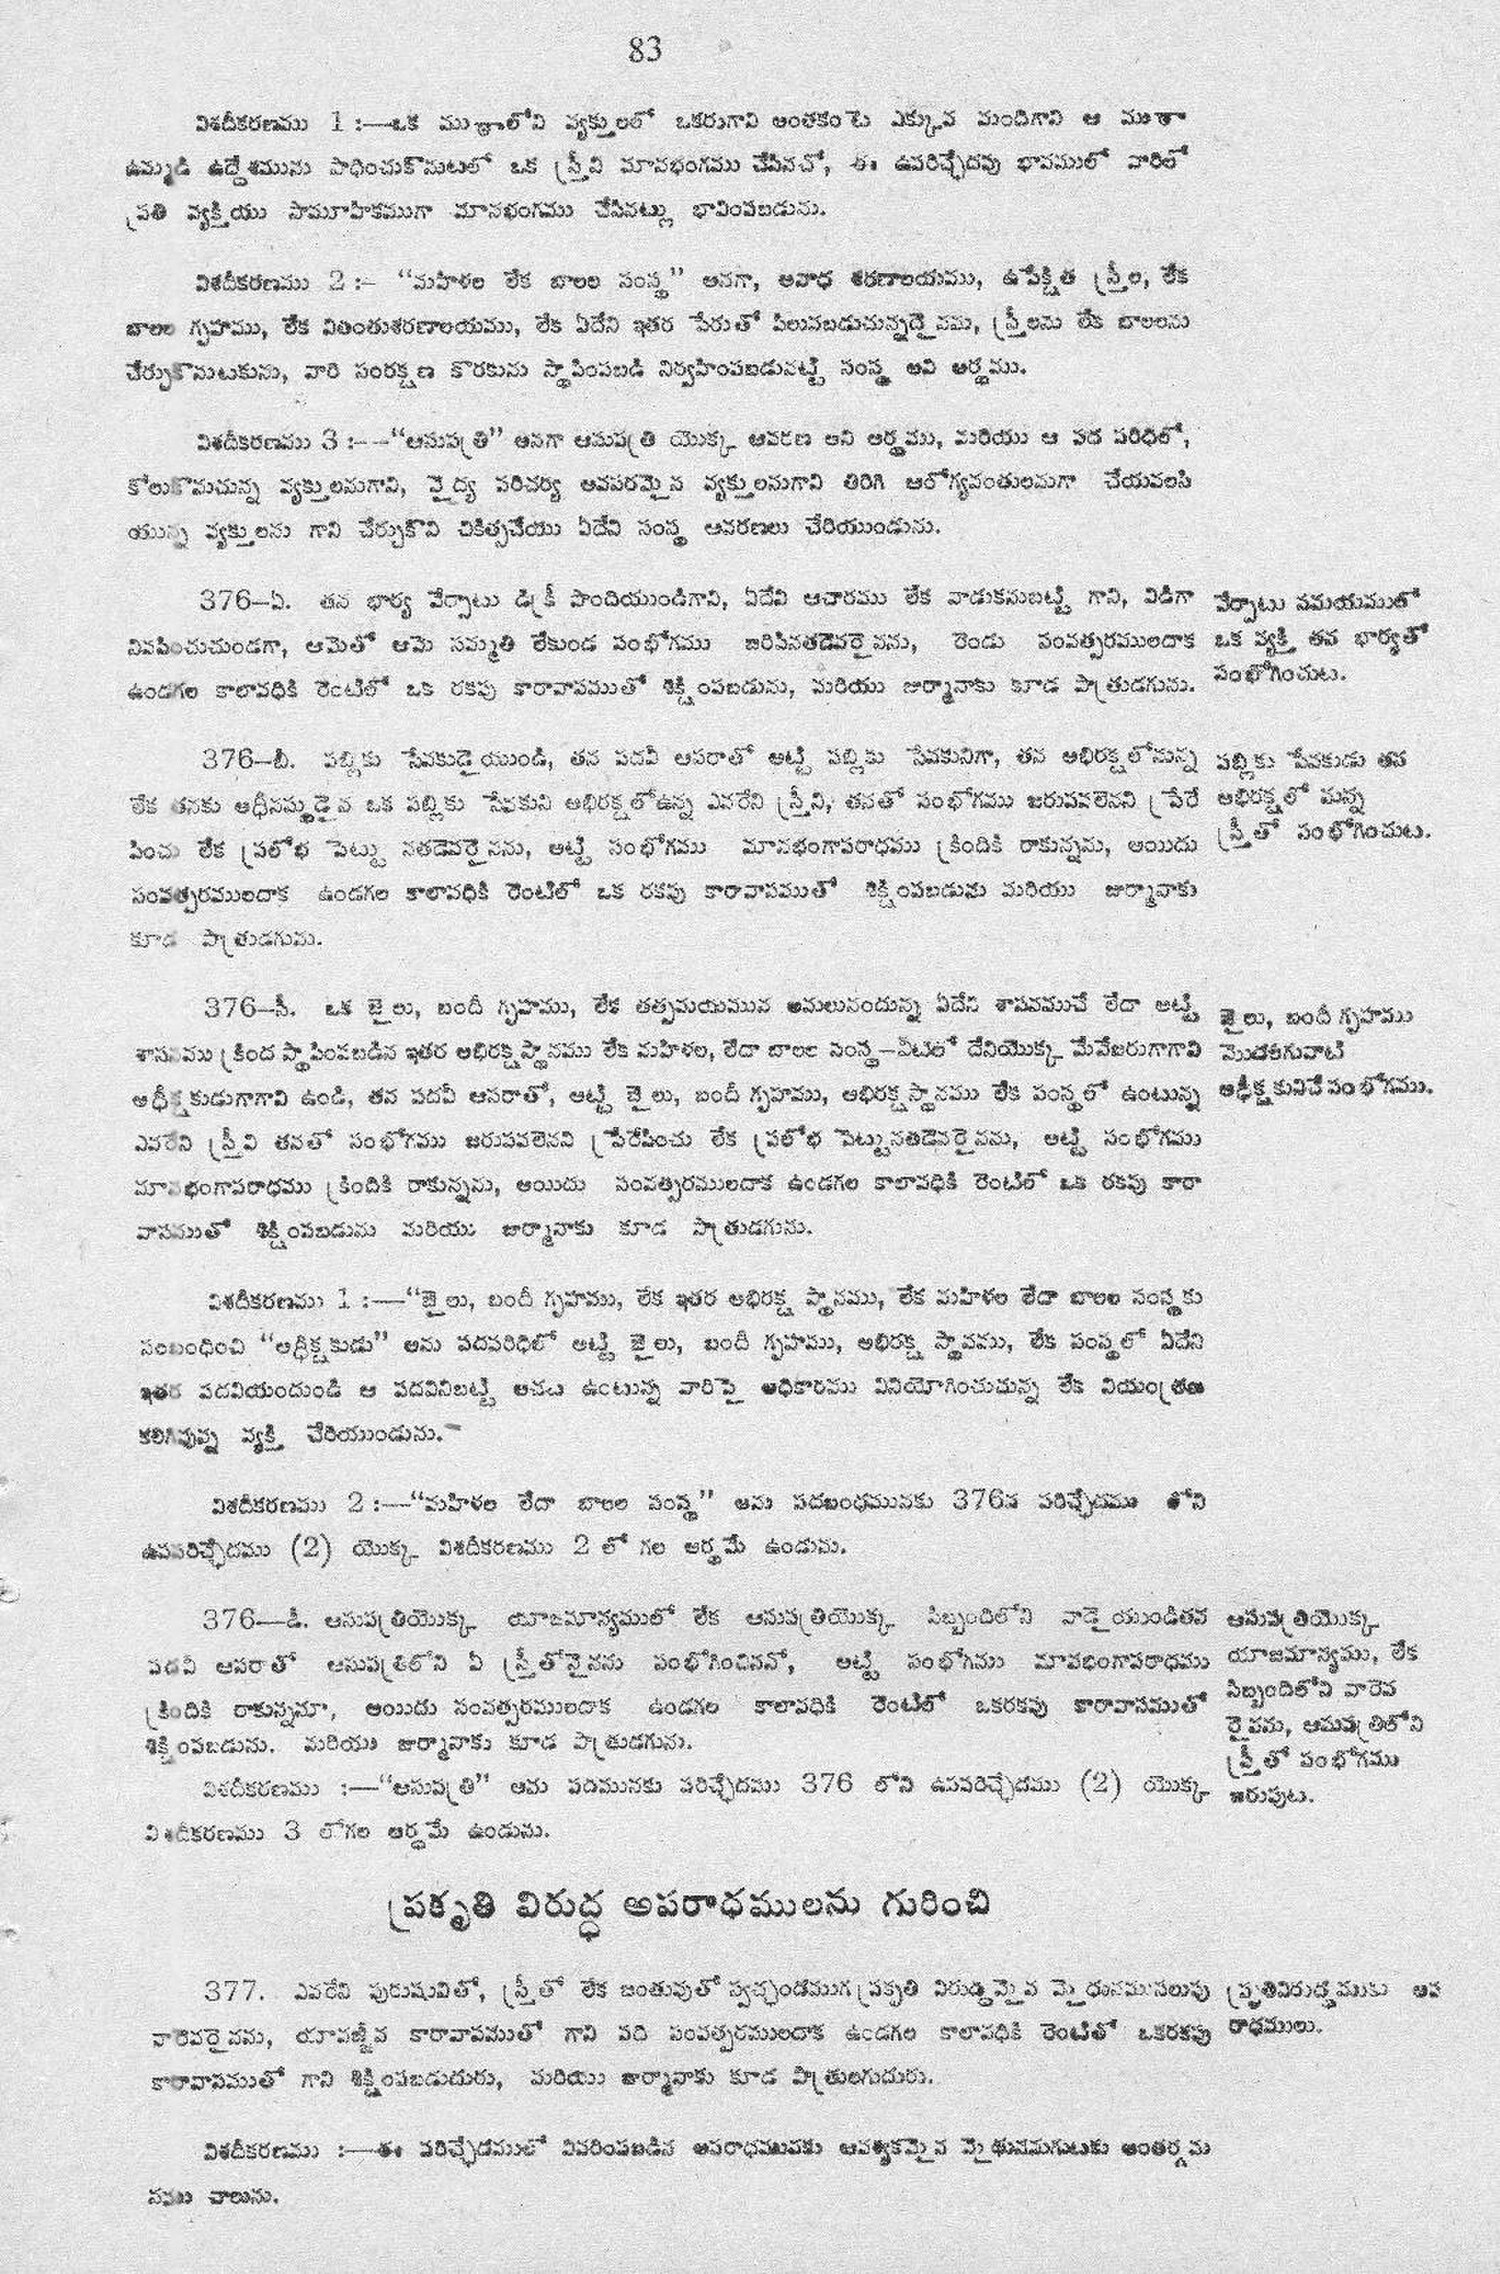విశదీకరణము 1:-ఒక ముఠాలోని వ్యక్తులలో ఒకరుగాని అంతకంటే ఎక్కువ మందిగాని ఆ ముఠా ఉమ్మడి ఉద్దేశమును సాధించుకొనుటలో ఒక స్త్రీని మానభంగము చేసినచో, ఈ ఉపరిచ్ఛేదపు భావములో వారిలో ప్రతి వ్యక్తి యు సామూహికముగా మానభంగము చేసినట్లు భావింపబడును.

విశదీకరణము 2 :- “మహిళల లేక బాలల సంస్థ " అనగా, అనాధ శరణాలయము, ఉపేక్షిత స్త్రీల, లేక బాలల గృహము, లేక వితంతుశరణాలయము, లేక ఏదేని ఇతర పేరుతో పిలువబడుచున్నదైనను, స్త్రీలను లేక బాలలను చేర్చుకొనుటకును, వారి సంరక్షణ కొరకును స్థాపింపబడి నిర్వహింపబడునట్టి సంస్థ అని అర్థము.

విశదీకరణము 3 :-- “ఆసుపత్రి" అనగా ఆసుపత్రి యొక్క ఆవరణ అని అర్థము, మరియు ఆ పద పరిధిలో, కోలుకొనుచున్న వ్యక్తు లనుగాని, వైద్య పరిచర్య అవసరమైన వ్యక్తు లనుగాని తిరిగి ఆరోగ్యవంతులనుగా చేయవలసియున్న వ్యక్తులను గాని చేర్చుకొని చికిత్సచేయు ఏదేని సంస్థ ఆవరణలు చేరియుండును.

వేర్పాటు సమయములో ఒక వ్యక్తి తన భార్యతో సంభోగించుట.

376-ఏ. తన భార్య వేర్పాటు డిక్రీ పొందియుండిగాని, ఏదేని ఆచారము లేక వాడుకనుబట్టి గాని, విడిగా నివసించుచుండగా, ఆమెతో ఆమె సమ్మతి లేకుండ సంభోగము జరిపినతడెవరైనను, రెండు సంవత్సరములదాక ఉండగల కాలావధికి రెంటిలో ఒక రకపు కారావాపముతో శిక్షింపబడును, మరియు జుర్మానాకు కూడ పాత్రుడగును.
 
పబ్లికు సేవకుడు తన అభిరక్షలో నున్న స్త్రీతో సంభోగించుట,

376-బి. పబ్లికు సేవకుడై యుండి, తన పదవీ ఆసరాతో అట్టి పబ్లికు సేవకునిగా, తన అభిరక్ష లోనున్న లేక తనకు ఆధీనస్ఠు డైన ఒక పబ్లికు సేవకుని అభిరక్ష లో ఉన్న ఎవరేని స్త్రీని, తనతో సంభోగము జరుపవలెనని ప్రేరేపించు లేక ప్రలోభ పెట్టు నతడెవరై నను, అట్టి సంభోగము మానభం గాపరాధము క్రిందికి రాకున్నను, అయిదు సంవత్సరములదాక ఉండగల కాలావధికి రెంటిలో ఒక రకపు 
కారావాసముతో శిక్షింపబడును మరియు జుర్మానాకు కూడ పాత్రుడగును.

జైలు, బందీ గృహము మొదలగువాటి అధీక్షకునిచే సంభోగము,

376-సీ. ఒక జైలు, బందీ గృహము, లేక తత్పమయుమున అమలునందున్న ఏదేని శాసనముచే లేదా అట్టి శాసనము క్రింద స్థాపింపబడిన ఇతర అభిరక్ష స్ఠానము లేక మహిళల, లేదా బాలల సంస్థ-వీటిలో దేనియొక్క మేనేజరుగాగాని ఆధీక్ష కుడుగాగాని ఉండి, తన పదవీ ఆసరాతో, అట్టి జైలు, బందీ గృహము, అభిరక్ష స్థానము లేక సంస్థలో ఉంటున్న ఎవరేని స్త్రీ ని తనతో సంభోగము జరుపవలెనని ప్రేరేపించు లేక ప్రలోభ పెట్టు నతడెవరైనను, అట్టి సంభోగము మాన భంగాపరాధము క్రిందికి రాకున్నను, అయిదు సంవత్సరములదాక ఉండగల కాలావధికి రెంటిలో ఒక రకపు కారావాసముతో శిక్షింపబడును. మరియు జార్మానాకు కూడ పాత్రుడగును.

విశదీకరణను 1:- “జై లు, బందీ గృహము, లేక ఇతర అభిరక్ష స్థానము, లేక మహిళల లేదా బాలల సంస్థకు సంబంధించి “ఆదీక్ష కుడు" అను పదపరిధిలో అట్టి జైలు, బందీ గృహము, అభిరక్ష స్థానము, లేక సంస్థలో ఏదేని ఇతర పదవియందుండి ఆ పదవినిబట్టి అచట ఉంటున్న వారిపై అధికారము వినియోగించుచున్న లేక నియంత్రణ కలిగివున్న వ్యక్తి చేరియుండును. "

విశదీకరణము 2 :-- "మహిళల లేదా బాలల సంస్థ " అను పదబంధమునకు 376వ పరిచ్ఛేదము లోని ఉపపరిచ్ఛేదము (2) యొక్క విశదీకరణము 2 లో గల అర్థమే ఉండును.

ఆసుపత్రి యొక్క యాజమాన్యము, లేక సిబ్బందిలోని వారెవరైనను ఆసుపత్రిలోని స్త్రీతో సంభోగము జరుపుట.

376–డీ. ఆసుపత్రియొక్క యాజమాన్యములో లేక ఆసుప త్రియొక్క సిబ్బందిలోని వాడై యుండి తన పదవి ఆసరాతో ఆసుపత్రిలోని ఏ స్త్రీ తో నైనను సంభోగించిననో, అట్టి సంభోగము మావభంగాపరాధము క్రిందికి రాకున్ననూ, అయిదు సంవత్సరములదాక ఉండగల
కాలావధికి రెంటిలో ఒకరకపు కారావాసముతో శిక్షింపబడును. మరియు జూర్మానాకు కూడ పాత్రుడగును.

విశదీకరణము :- "ఆసుపత్రి" అను పదమునకు పరిచ్ఛేదము 376 లోని ఉపపరిచ్ఛేదము (2) యొక్క విశదీకరణము 3 లోగల అర్థమే ఉండును.

ప్రకృతి విరుద్ధమగు అపరాధములు.

377. ఎవరేని పురుషునితో, స్త్రీ తో లేక జంతువుతో స్వచ్ఛందముగ ప్రకృతి విరుద్ధమైన మై ధునము సలుపు వారెవరైనను, యావజ్జీవ కారావాసముతో గాని పది సంవత్సరములదాక ఉండగల కాలావధికి రెంటితో ఒకరకపు కారావాసముతో గాని శిక్షింపబడుదురు, మరియు జుర్మానాకు కూడ పాత్రులగుదురు.

విశదీకరణము :-ఈ పరిచ్ఛేదములో వివరింపబడిన అపరాధమునకు ఆవశ్యకమైన మైధునమగుటకు అంతర్గమధనము చాలును,